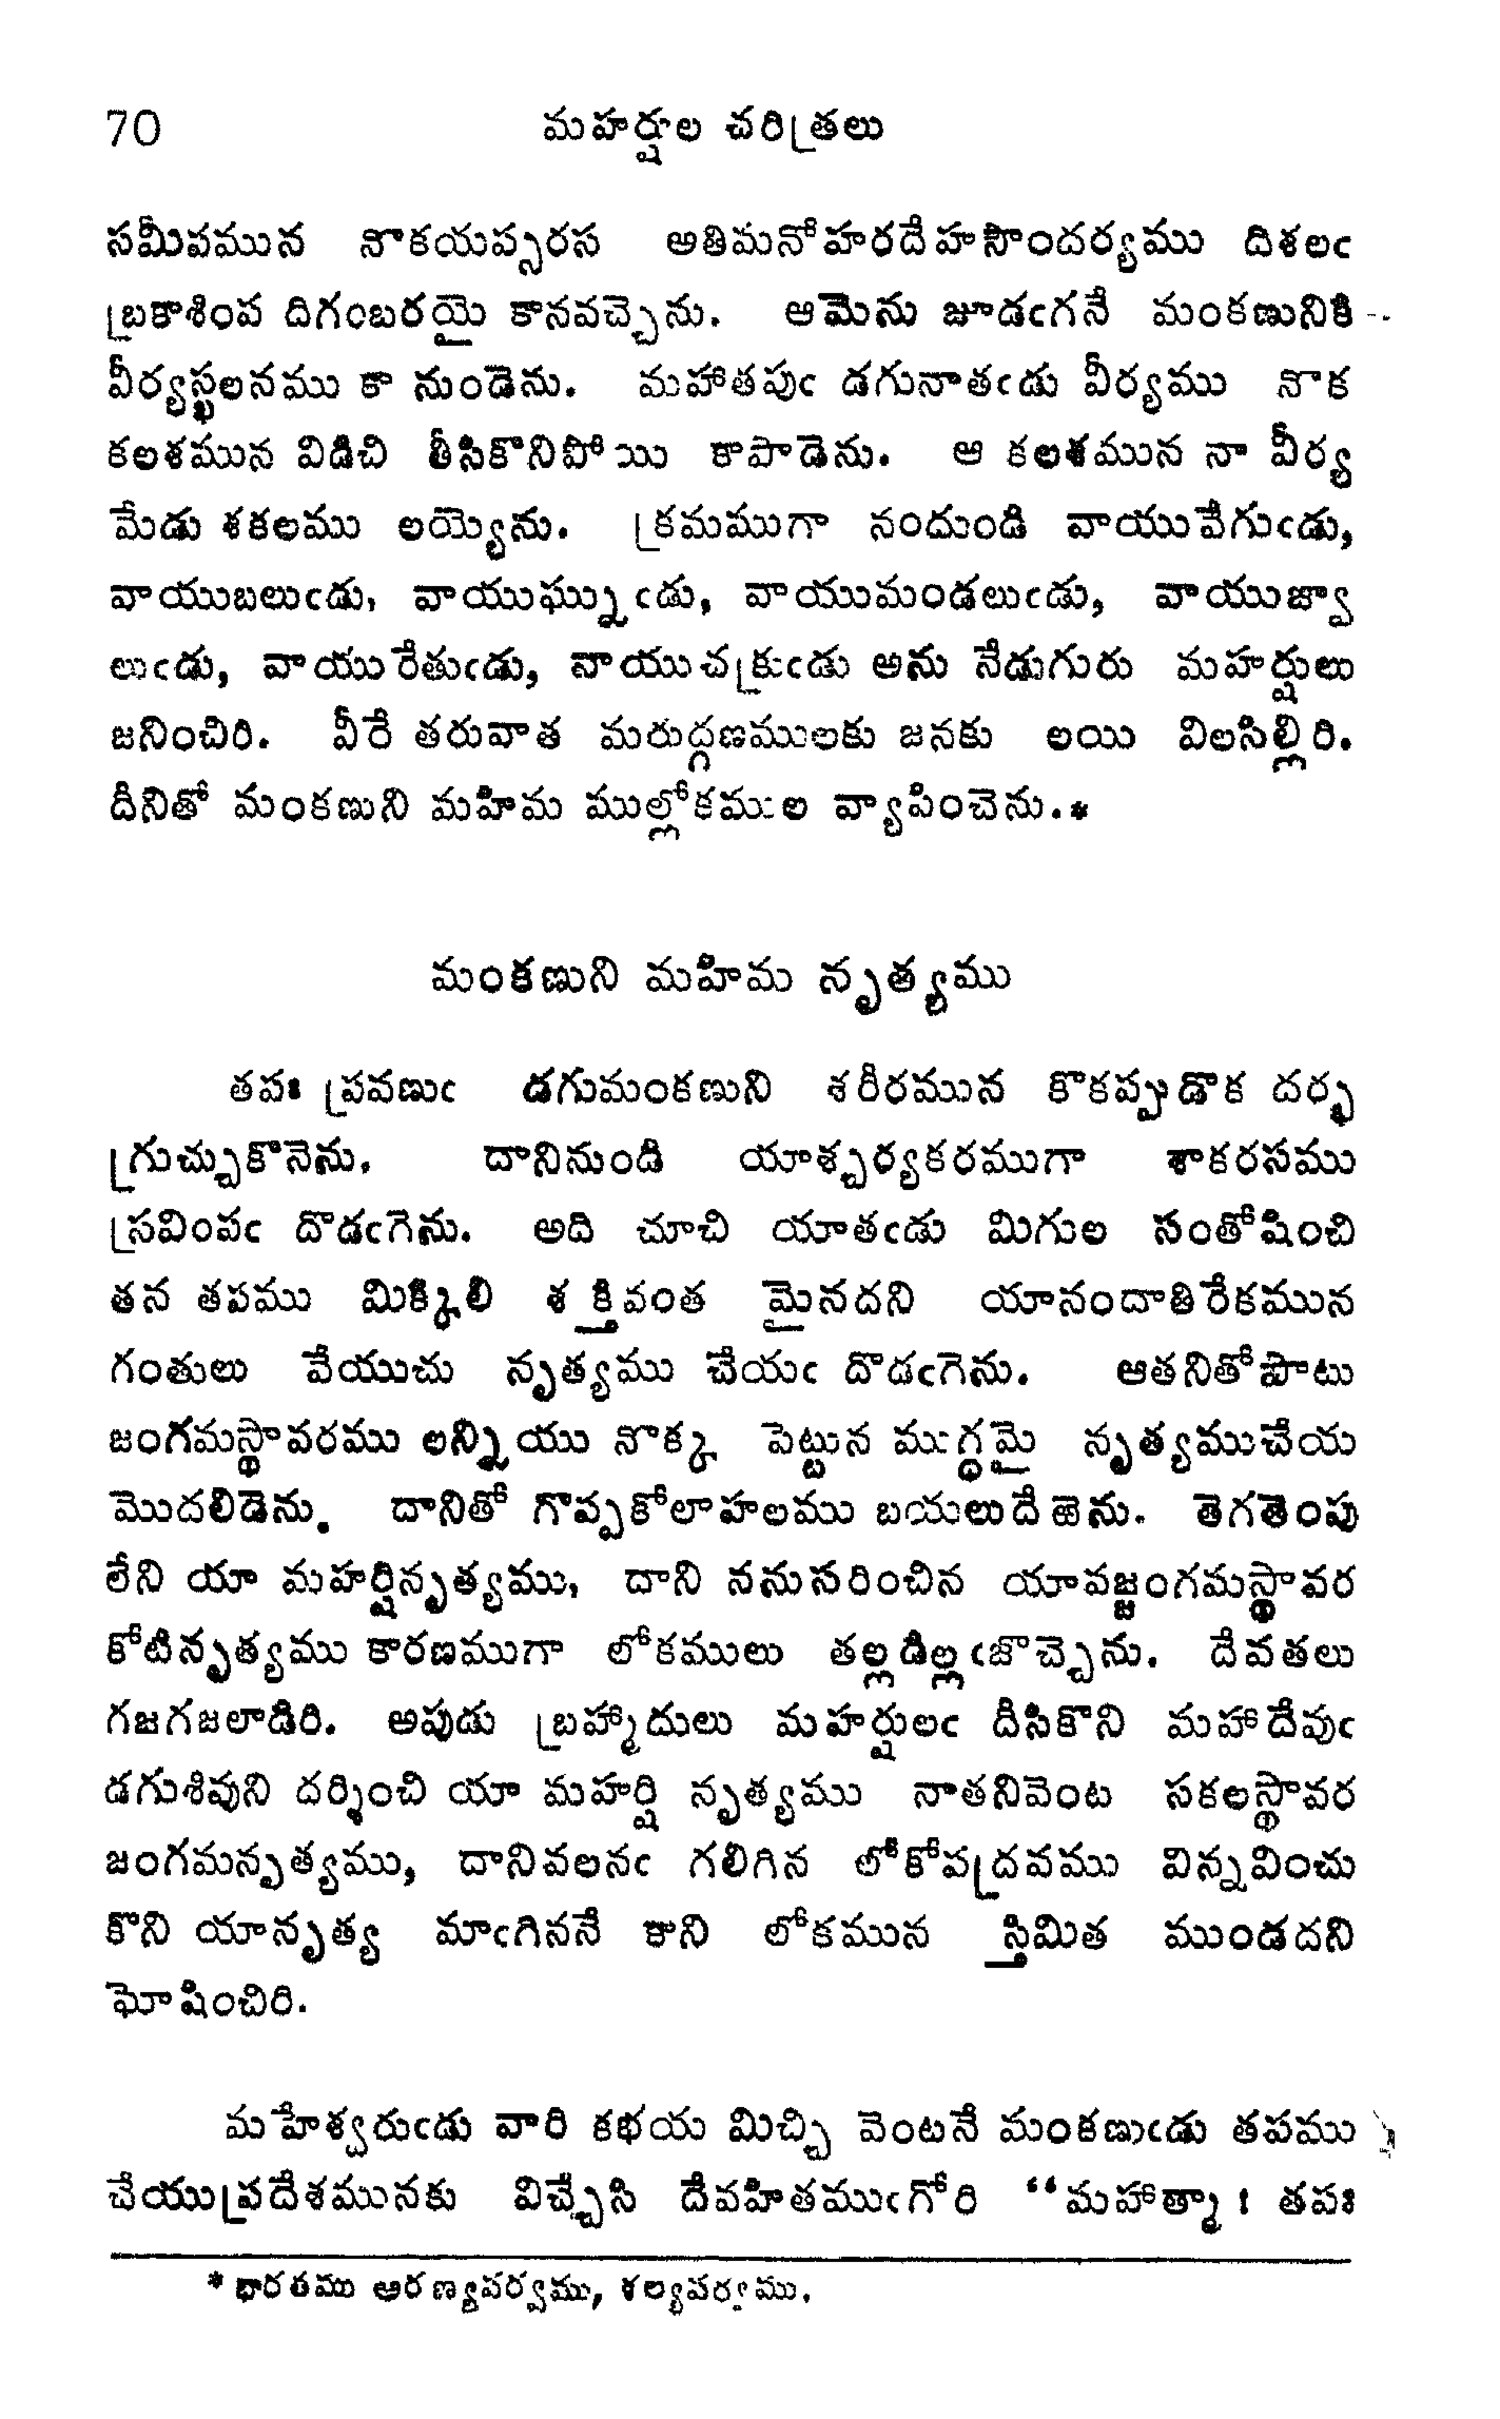సమీపమున నొకయప్సరస అతిమనోహరదేహసౌందర్యము దిశలఁ బ్రకాశింప దిగంబరయై కానవచ్చెను. ఆమెను జూడఁగనే మంకణునికి వీర్యస్థలనము కా నుండెను. మహాతపుఁ డగునాతఁడు వీర్యము నొక కలశమున విడిచి తీసికొనిపోయి కాపాడెను. ఆ కలశమున నా వీర్య మేడు శకలము లయ్యెను. క్రమముగా నందుండి వాయువేగుఁడు, వాయుబలుఁడు, వాయుఘ్నుఁడు, వాయుమండలుఁడు, వాయుజ్వాలుఁడు, వాయు రేతుఁడు, వాయుచక్రుఁడు అను నేడుగురు మహర్షులు జనించిరి. వీరే తరువాత మరుద్గణములకు జనకు లయి విలసిల్లిరి. దీనితో మంకణుని మహిమ ముల్లోకముల వ్యాపించెను.*

మంకణుని మహిమ నృత్యము 

తపః ప్రవణుఁ డగుమంకణుని శరీరమున కొకప్పుడొక దర్భ గ్రుచ్చుకొనెను. దానినుండి యాశ్చర్యకరముగా శాకరసము
స్రవింపఁ దొడఁగెను. అది చూచి యాతఁడు మిగుల సంతోషించి తన తపము మిక్కిలి శక్తివంత మైనదని యానందాతిరేకమున గంతులు వేయుచు నృత్యము చేయఁ దొడఁగెను. ఆతనితోపాటు జంగమస్థావరము లన్నియు నొక్క పెట్టున ముగ్ధమై నృత్యముచేయ మొదలిడెను. దానితో గొప్పకోలాహలము బయలుదేఱెను. తెగతెంపు లేని యా మహర్షినృత్యము, దాని ననుసరించిన యావజ్జంగమస్థావరకోటినృత్యము కారణముగా లోకములు తల్లడిల్లఁ జొచ్చెను. దేవతలు గజగజలాడిరి. అపుడు బ్రహ్మాదులు మహర్షులఁ దీసికొని మహాదేవుఁ డగుశివుని దర్శించి యా మహర్షి నృత్యము నాతనివెంట సకలస్థావర జంగమనృత్యము, దానివలనఁ గలిగిన లోకోపద్రవము విన్నవించుకొని యానృత్య మాఁగిననే కాని లోకమున స్తిమిత ముండదని ఘోషించిరి.

మహేశ్వరుఁడు వారి కభయ మిచ్చి వెంటనే మంకణుఁడు తపము చేయుప్రదేశమునకు విచ్చేసి దేవహితముఁగోరి “మహాత్మా ! తపః